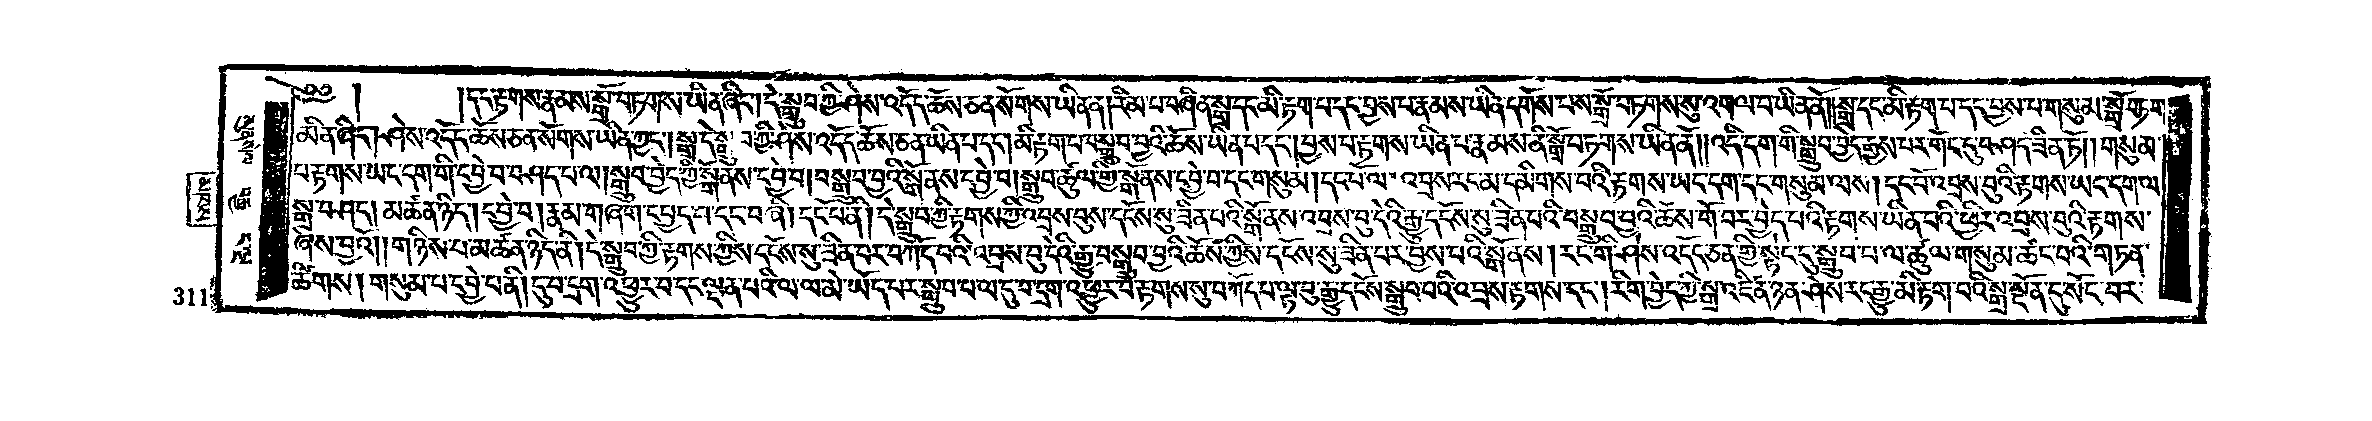༄༅། །དང་རྟགས་རྣམས་སྒྲོ་བཏགས་ཡིན་ཞིང་། དེ་སྒྲུབ་ཀྱི་ཤེས་འདོད་ཆོས་ཅན་སོགས་ཡིན་ན། རིམ་པ་བཞིན་སྒྲ་དང་མི་རྟག་པ་དང་བྱས་པ་རྣམས་ཡིན་དགོས་པས་སྒྲོ་བཏགས་སུ་འགལ་བ་ཡིན་ནོ། །སྒྲ་དང་མི་རྟག་པ་དང་བྱས་པ་གསུམ་སྒྲོ་བཏགས་
མིན་ཞིང་། ཤེས་འདོད་ཆོས་ཅན་སོགས་ཡིན་ཀྱང་། སྒྲ་དེ་སྒྲུབ་ཀྱི་ཤེས་འདོད་ཆོས་ཅན་ཡིན་པ་དང་། མི་རྟག་པ་བསྒྲུབ་བྱའི་ཆོས་ཡིན་པ་དང་། བྱས་པ་རྟགས་ཡིན་པ་རྣམས་ནི་སྒྲོ་བཏགས་ཡིན་ནོ། །འདི་དག་གི་སྒྲུབ་བྱེད་རྒྱས་པར་གོང་དུ་བཤད་ཟིན་ཏོ། །གསུམ་
པ་རྟགས་ཡང་དག་གི་དབྱེ་བ་བཤད་པ་ལ། སྒྲུབ་བྱེད་ཀྱི་སྒོ་ནས་དབྱེ་བ། བསྒྲུབ་བྱའི་སྒོ་ནས་དབྱེ་བ། སྒྲུབ་ཚུལ་གྱི་སྒོ་ནས་དབྱེ་བ་དང་གསུམ། དང་པོ་ལ་འབྲས་རང་མ་དམིགས་པའི་རྟགས་ཡང་དག་དང་གསུམ་ལས། དང་པོ་འབྲས་བུའི་རྟགས་ཡང་དག་ལ་
སྒྲ་བཤད། མཚན་ཉིད། དབྱེ་བ། རྣམ་གཞག་དཔྱད་པ་དང་བཞི། དང་པོ་ནི། དེ་སྒྲུབ་ཀྱི་རྟགས་ཀྱི་འབྲས་བུས་དངོས་སུ་ཟིན་པའི་སྒོ་ནས་འབྲས་བུ་དེའི་རྒྱུ་དངོས་སུ་ཟིན་པའི་བསྒྲུབ་བྱའི་ཆོས་གོ་བར་བྱེད་པའི་རྟགས་ཡིན་པའི་ཕྱིར་འབྲས་བུའི་རྟགས་
ཞེས་བྱའོ། །གཉིས་པ་མཚན་ཉིད་ནི། དེ་སྒྲུབ་ཀྱི་རྟགས་ཀྱིས་དངོས་སུ་ཟིན་པར་བཀོད་པའི་འབྲས་བུ་དེའི་རྒྱུ་བསྒྲུབ་བྱའི་ཆོས་ཀྱིས་དངོས་སུ་ཟིན་པར་བྱས་པའི་སྒོ་ནས། རང་གི་ཤེས་འདོད་ཅན་གྱི་སྟེང་དུ་སྒྲུབ་པ་ལ་ཚུལ་གསུམ་ཚང་བའི་གཏན་
ཚིགས། གསུམ་པ་དབྱེ་བ་ནི། དུ་བ་དྲག་འཕྱུར་བ་དང་ལྡན་པའི་ལ་ལ་མེ་ཡོད་པར་སྒྲུབ་པ་ལ་དུ་བ་དྲག་འཕྱུར་བ་རྟགས་སུ་བཀོད་པ་ལྟ་བུ་རྒྱུ་དངོས་སྒྲུབ་པའི་འབྲས་རྟགས་དང་། རིག་བྱེད་ཀྱི་སྒྲ་འཛིན་ཉན་ཤེས་རང་རྒྱུ་མི་རྟག་པའི་སྒྲ་སྔོན་དུ་སོང་བར་